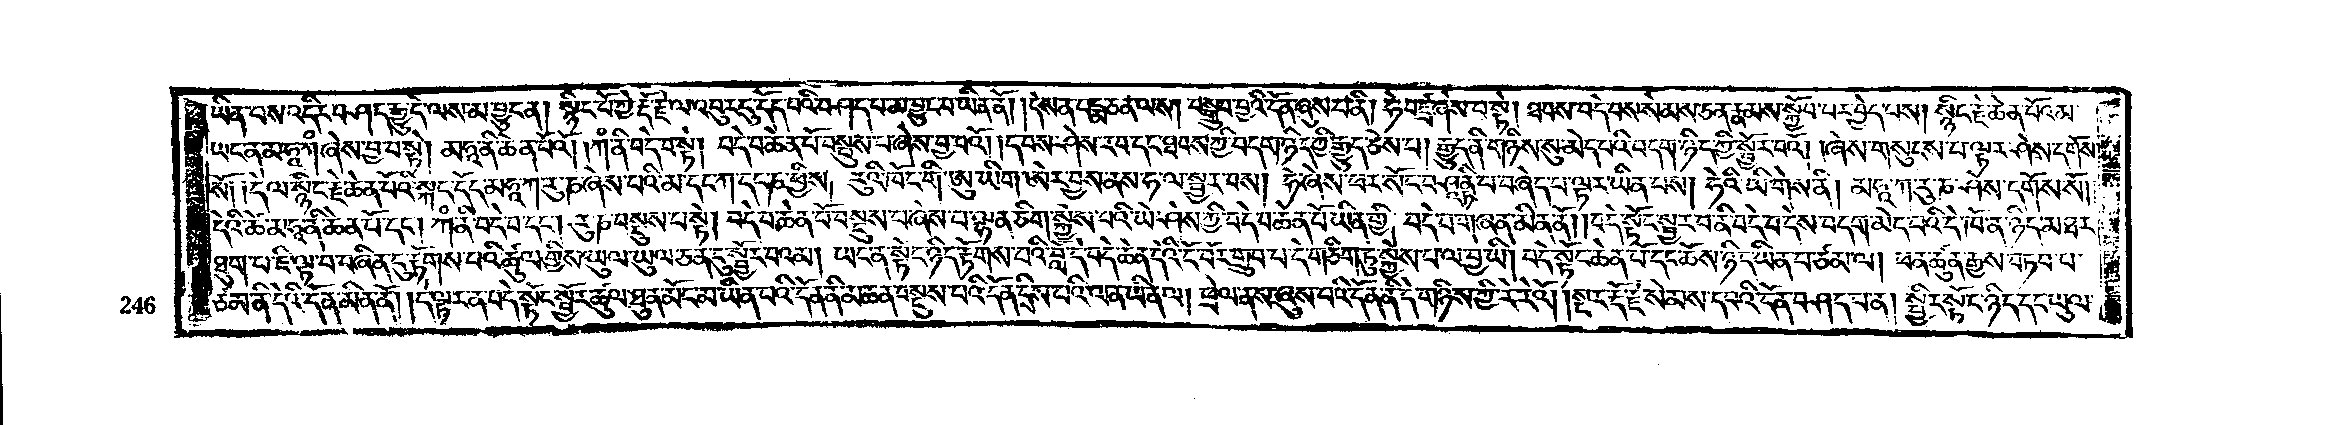ཡིན་པས་འདིར་བཤད་རྒྱུ་དེ་ལས་མ་བྱུང་ན། སྙིང་པོ་ཀྱེ་རྡོ་རྗེ་ལ་འབུར་དུ་དོད་པའི་བཤད་པ་མ་བྱུང་བ་ཡིན་ནོ། །དེས་ན་པདམ་ཅན་ལས། བསྒྲུབ་བྱའི་དོན་ཞུས་པ་ནི། ཧེ་བཛྲ་ཞེས་པ་སྟེ། ཐབས་བདེ་བས་སེམས་ཅན་རྣམས་སྐྱོབ་པར་བྱེད་པས། སྙིང་རྗེ་ཆེན་པོའམ་
ཡང་ན་མཧཱ་ཀཾ་ཞེས་བྱ་བ་སྟེ། མཧཱ་ནི་ཆེན་པོའོ། །ཀཾ་ནི་བདེ་བ་སྟེ། བདེ་བ་ཆེན་པོ་བསྡུས་པ་ཞེས་བྱ་བའོ། །ད་བས་ཤེས་རབ་དང་ཐབས་ཀྱི་བདག་ཉིད་ཀྱི་རྒྱུད་ཅེས་པ། རྒྱུད་ནི་གཉིས་སུ་མེད་པའི་བདག་ཉིད་ཀྱི་སྦྱོར་བའོ། །ཞེས་གསུངས་པ་ལྟར་ཤེས་དགོས་
སོ། །དེ་ལ་སྙིང་རྗེ་ཆེན་པོའི་སྐད་དོད་མཧཱ་ཀ་རུ་ཎ་ཞེས་པའི་མ་དང་ཀ་དང་ཎ་ཕྱིས། རུའི་ཁོང་གི་ཨུ་ཡིག་ཨེར་བྱས་ནས་ཧ་ལ་སྦྱར་བས། ཧེ་ཞེས་ཕར་སོང་བཤཱནྟི་པ་བཞེད་པ་ལྟར་ཡིན་པས། ཧེའི་ཡི་གེས་ནི། མཧཱ་ཀ་རུ་ཎ་ཤེས་དགོས་སོ།
དེའི་ཚེ་མཧཱ་ནི་ཆེན་པོ་དང་། ཀཾ་ནི་བདེ་བ་དང་། རུ་ཎ་བསྡུས་པ་སྟེ། བདེ་བ་ཆེན་པོ་བསྡུས་པ་ཞེས་པ་ལྷན་ཅིག་སྐྱེས་པའི་ཡེ་ཤེས་ཀྱི་བདེ་བ་ཆེན་པོ་ཡིན་གྱི། བདེ་བ་གཞན་མིན་ནོ། །བདེ་སྟོང་སྦྱར་བ་ནི་བདེ་བ་དེས་བདག་མེད་པའི་དེ་ཁོ་ན་ཉིད་མཐར་
ཐུག་པ་ཇི་ལྟ་བ་བཞིན་དུ་རྟོགས་པའི་ཚུལ་གྱིས་ཡུལ་ཡུལ་ཅན་དུ་སྦྱོར་བའམ། ཡང་ན་སྟོང་ཉིད་རྟོགས་པའི་བློ་དེ་བདེ་ཆེན་དེའི་ངོ་བོར་གྲུབ་པ་དེ་གཅིག་ཏུ་སྐྱེས་པ་ལ་བྱ་ཡི། བདེ་སྟོང་ཆེན་པོ་དང་ཆོས་ཉིད་ཡིན་པ་ཙམ་ལ། ཕན་ཚུན་རྒྱས་བཏབ་པ་
ཙམ་ནི་དེའི་དོན་མིན་ནོ། །དེ་ལྟར་ན་བདེ་སྟོང་སྦྱོར་ཚུལ་ཐུན་མོང་མ་ཡིན་པའི་དོན་ནི་མཚན་བསྡུས་པའི་དོན་དྲིས་པའི་ལན་ཡིན་ལ། ཕྲེལ་ནས་ཞུས་པའི་དོན་ནི་དེ་གཉིས་ཀྱི་རེ་རེའོ། །སྔར་རྡོ་རྗེ་སེམས་དཔའི་དོན་བཤད་